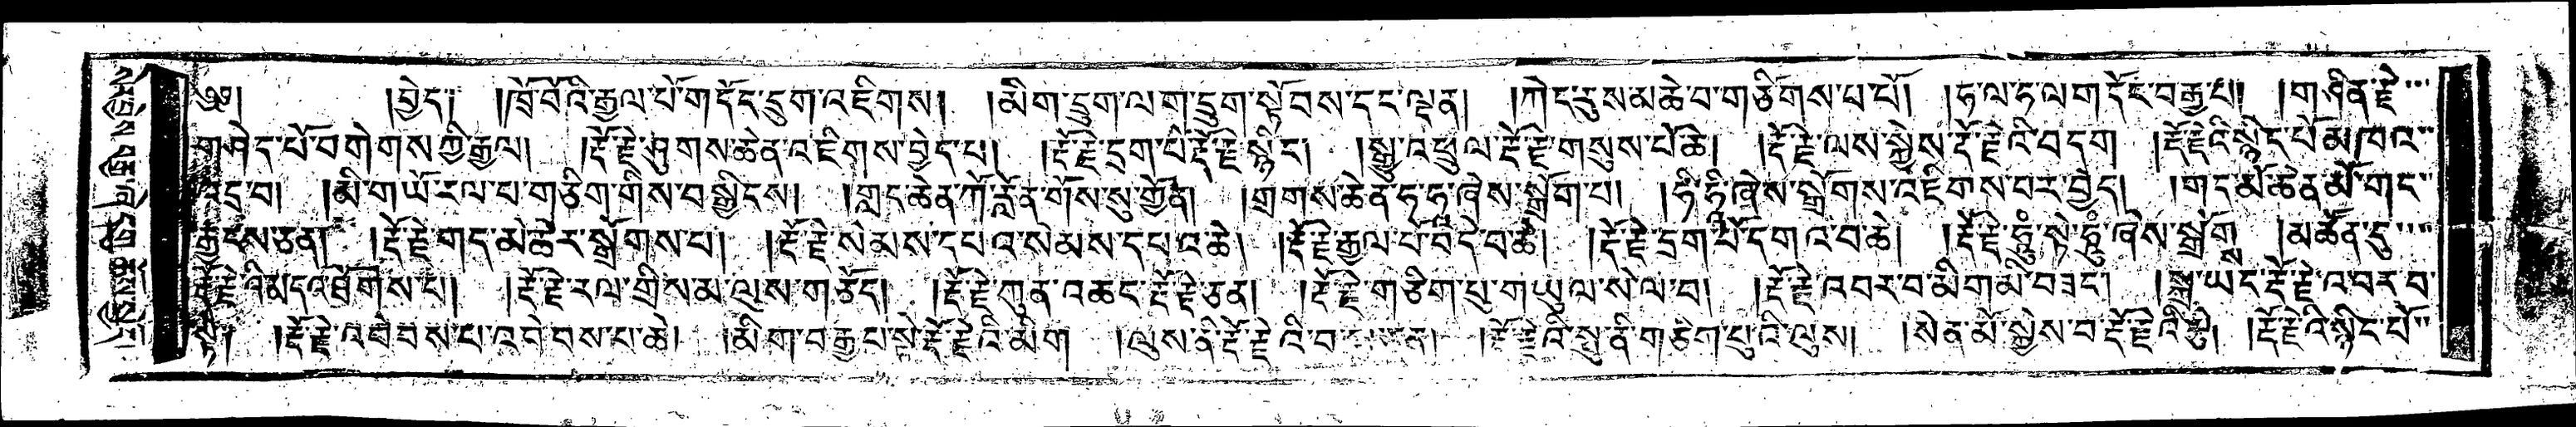༄༅། །བྱེད། །ཁྲོ་བོའི་རྒྱལ་པོ་གདོང་དྲུག་འཇིགས། །མིག་དྲུག་ལག་དྲུག་སྟོབས་དང་ལྡན། །ཀེང་རུས་མཆེ་བ་གཙིགས་པ་པོ། །ཧ་ལ་ཧ་ལ་གདོང་བརྒྱ་པ། །གཤིན་རྗེ་
གཤེད་པོ་བགེགས་ཀྱི་རྒྱལ། །རྡོ་རྗེ་ཤུགས་ཆེན་འཇིགས་བྱེད་པ། །རྡོ་རྗེ་དྲག་པོ་རྡོ་རྗེ་སྙིང་། །སྒྱུ་འཕྲུལ་རྡོ་རྗེ་གསུས་པོ་ཆེ། །རྡོ་རྗེ་ལས་སྐྱེས་རྡོ་རྗེའི་བདག །རྡོ་རྗེའི་སྙིང་པོ་མཁའ་
འདྲ་བ། །མི་གཡོ་རལ་པ་གཅིག་གིས་བསྒྱིངས། །གླང་ཆེན་ཀོ་རློན་གོས་སུ་གྱོན། །གྲགས་ཆེན་ཧ་ཧ་ཞེས་སྒྲོག་པ། །ཧི་ཧཱི་ཞེས་སྒྲོགས་འཇིགས་པར་བྱེ། །གད་མོ་ཆེན་མོ་གད་
རྒྱངས་ཅན། །རྡོ་རྗེ་གད་མེ་ཆེར་སྒྲོགས་པ། །རྡོ་རྗེ་སེམས་དཔའ་སེམས་དཔའ་ཆེ། །རྡོ་རྗེ་རྒྱལ་པོ་བདེ་བ་ཆེ། །རྡོ་རྗེ་དྲག་པོ་དགའ་བ་ཆེ། །རྡོ་རྗེ་ཧཱུཾ་སྟེ་ཧཱུཾ་ཞེས་སྒྲོགས་།མཚོན་དུ་
རྡོ་རྗེའི་མདའ་ཐོགས་པ། །རྡོ་རྗེ་རལ་གྲིས་མ་ལུས་གཅོད། །རྡོ་རྗེ་ཀུན་འཆང་རྡོ་རྗེ་ཅན། །རྡོ་རྗེ་གཅིག་པུ་གཡུལ་སེལ་བ། །རྡོ་རྗེ་འབར་བ་མིག་མི་བཟང་། །སྐྲ་ཡང་རྡོ་རྗེ་འབར་བ་
སྟེ༑ །རྡོ་རྗེ་འབེབས་པ་འབེབས་པ་ཆེ། །མིག་བརྒྱ་པ་སྟེ་རྡོ་རྗེའི་མིག །ལུས་ནི་རྡོ་རྗེའི་བ་སྤུ་ཅན། །རྡོ་རྗེའི་སྤུ་ནི་གཅིག་པུའི་ལུས། །སེན་མོ་སྐྱེས་བ་རྡོ་རྗེའི་རྩེ། །རྡོ་རྗེའི་སྙིང་པོ་